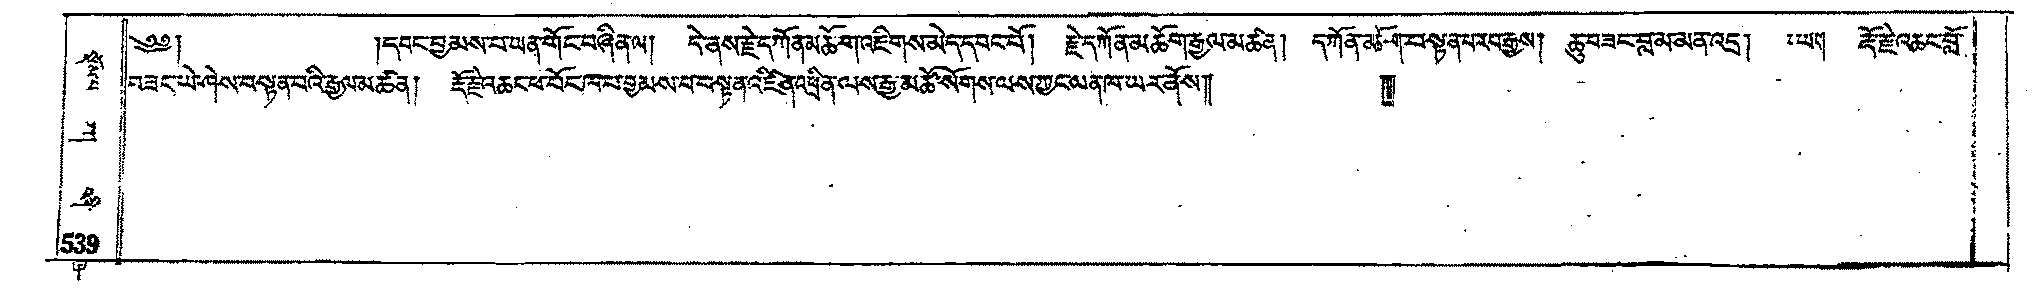༄༅། །དབང་བྱམས་པ་ཡན་གོང་བཞིན་ལ། དེ་ནས་རྗེ་དཀོན་མཆོག་འཇིགས་མེད་དབང་པོ། རྗེ་དཀོན་མཆོག་རྒྱལ་མཚན། དཀོན་མཆོག་བསྟན་པ་རབ་རྒྱས། ཆུ་བཟང་བླ་མ་མན་འདྲ། ༧ཡང་། རྡོ་རྗེ་འཆང་བློ་
བཟང་ཡེ་ཤེས་བསྟན་པའི་རྒྱལ་མཚན། རྡོ་རྗེ་འཆང་ཕ་བོང་ཁ་པ་བྱམས་པ་བསྟན་འཛིན་འཕྲིན་ལས་རྒྱ་མཚོ་སོགས་ལས་ཀྱང་ལམ་ཁ་ཡར་ནོས།། །།